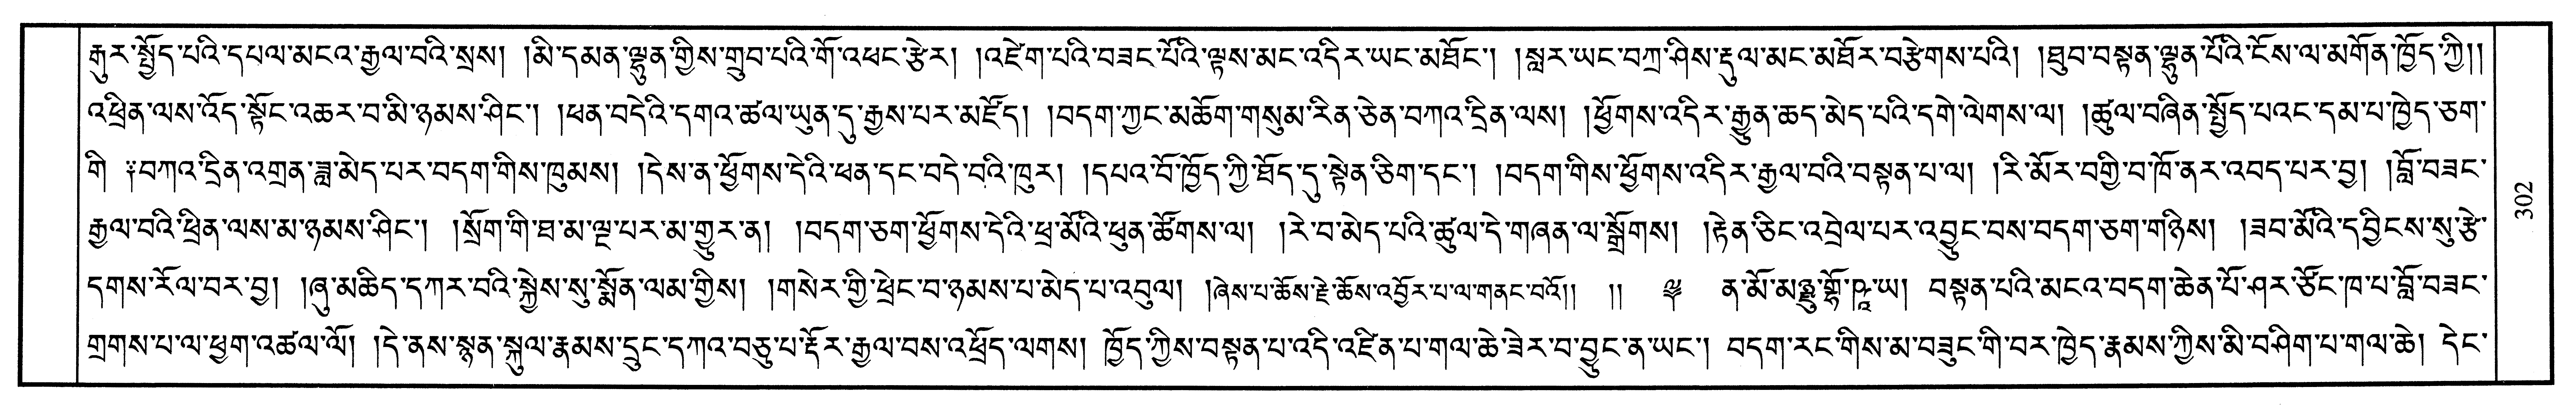རྒུར་སྤྱོད་པའི་དཔལ་མངའ་རྒྱལ་བའི་སྲས། །མི་དམན་ལྷུན་གྱིས་གྲུབ་པའི་གོ་འཕང་རྩེར། །འཛེག་པའི་བཟང་པོའི་ལྟས་མང་འདིར་ཡང་མཐོང་། །སླར་ཡང་བཀྲ་ཤིས་རྡུལ་མང་མཐོར་བརྩེགས་པའི། །ཐུབ་བསྟན་ལྷུན་པོའི་ངོས་ལ་མགོན་ཁྱོད་ཀྱི།།
འཕྲིན་ལས་འོད་སྟོང་འཆར་བ་མི་ཉམས་ཤིང་། །ཕན་བདེའི་དགའ་ཚལ་ཡུན་དུ་རྒྱས་པར་མཛོད། །བདག་ཀྱང་མཆོག་གསུམ་རིན་ཅེན་བཀའ་དྲིན་ལས། །ཕྱོགས་འདིར་རྒྱུན་ཆད་མེད་པའི་དགེ་ལེགས་ལ། །ཚུལ་བཞིན་སྤྱོད་པའང་དམ་པ་ཁྱེད་ཅག་
གི ༑བཀའ་དྲིན་འགྲན་ཟླ་མེད་པར་བདག་གིས་ཁུམས། །དེས་ན་ཕྱོགས་དེའི་ཕན་དང་བདེ་བའི་ཁུར། །དཔའ་བོ་ཁྱོད་ཀྱི་ཐོད་དུ་སྟེན་ཅིག་དང་། །བདག་གིས་ཕྱོགས་འདིར་རྒྱལ་བའི་བསྟན་པ་ལ། །རི་མོར་བགྱི་བ་ཁོ་ནར་འབད་པར་བྱ། །བློ་བཟང་
རྒྱལ་བའི་ཕྲིན་ལས་མ་ཉམས་ཤིང་། །སྲོག་གི་ཐ་མ་ལྔ་པར་མ་གྱུར་ན། །བདག་ཅག་ཕྱོགས་དེའི་ཕྲ་མོའི་ཕུན་ཚོགས་ལ། །རེ་བ་མེད་པའི་ཚུལ་དེ་གཞན་ལ་སྒྲོགས། །རྟེན་ཅིང་འབྲེལ་པར་འབྱུང་བས་བདག་ཅག་གཉིས། །ཟབ་མོའི་དབྱིངས་སུ་རྩེ་
དགས་རོལ་བར་བྱ། །ཞུ་མཆིད་དཀར་བའི་སྐྱེས་སུ་སྨོན་ལམ་གྱིས། །གསེར་གྱི་ཕྲེང་བ་ཉམས་པ་མེད་པ་འབུལ། །ཞེས་པ་ཆོས་རྗེ་ཆོས་འབྱོར་པ་ལ་གནང་བའོ།། །། ༈ ན་མོ་མཉྫུ་གྷོ་ཥཱ་ཡ། བསྟན་པའི་མངའ་བདག་ཆེན་པོ་ཤར་ཙོང་ཁ་པ་བློ་བཟང་
གྲགས་པ་ལ་ཕྱག་འཚལ་ལོ། །དེ་ནས་སྙན་སྐུལ་རྣམས་དྲུང་དཀའ་བཅུ་པ་རྡོར་རྒྱལ་བས་འཕྲོད་ལགས། ཁྱོད་ཀྱིས་བསྟན་པ་འདི་འཛིན་པ་གལ་ཆེ་ཟེར་བ་བྱུང་ན་ཡང་། བདག་རང་གིས་མ་བཟུང་གི་བར་ཁྱེད་རྣམས་ཀྱིས་མི་བཤིག་པ་གལ་ཆེ། དེང་